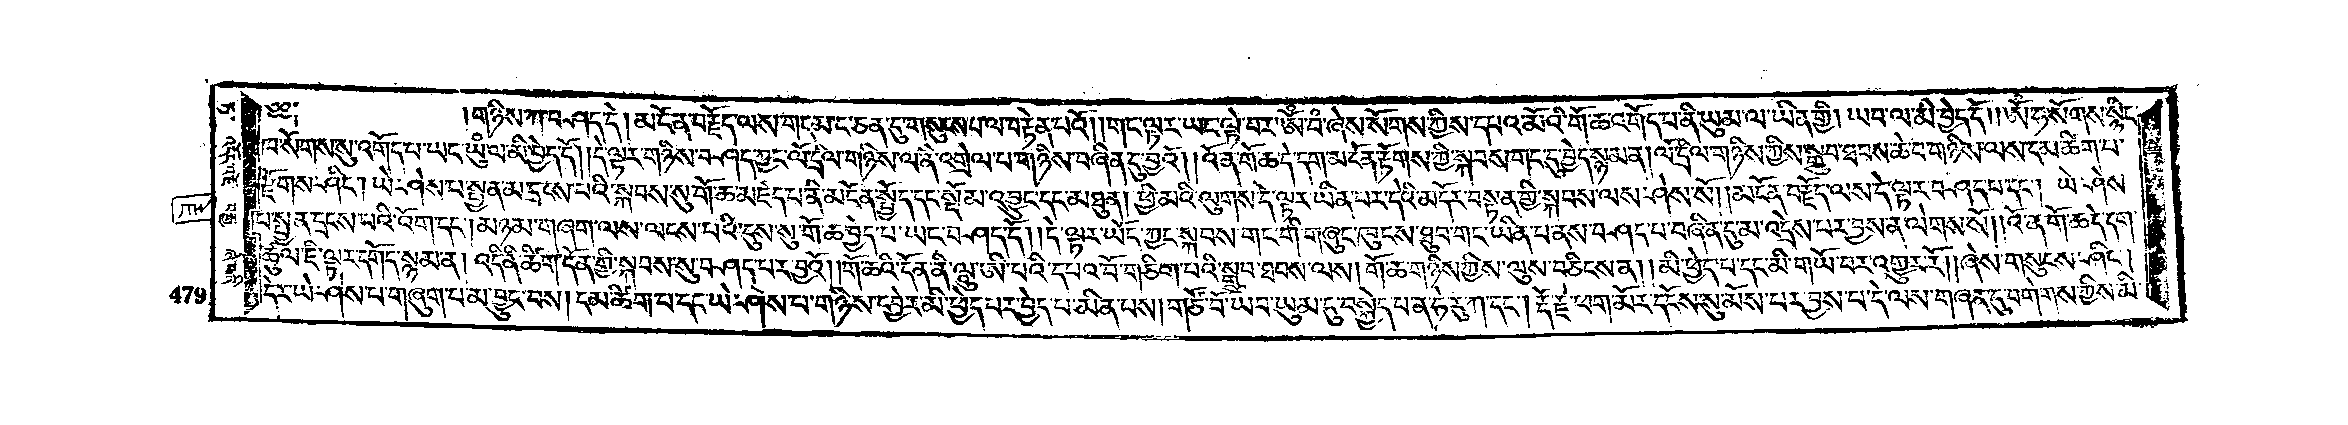༄༅། །གཉིས་ཀ་བཤད་དེ། མངོན་བརྗོད་ལས་གདམ་ང་ཅན་དུ་གསུངས་པ་ལ་བརྟེན་པའོ། །གང་ལྟར་ཡང་ལྟེ་བར་ཨོཾ་བཾ་ཞེས་སོགས་ཀྱིས་དཔའ་མོའི་གོ་ཆ་འགོད་པ་ནི་ཡུམ་ལ་ཡིན་གྱི། ཡབ་ལ་མི་བྱེད་དོ། །ཨོཾ་ཧ་སོགས་སྙིང་
ཁ་སོགས་སུ་འགོད་པ་ཡང་ཡུཾ་ལ་མི་བྱེད་དོ། །དེ་ལྟར་གཉིས་བཤད་ཀྱང་ལོ་དྲིལ་གཉིས་ལ་ནི་འགྲེལ་པ་གཉིས་བཞིན་དུ་བྱའོ། །འོ་ན་གོ་ཆ་དེ་དག་མངོན་རྟོགས་ཀྱི་སྐབས་གང་དུ་བྱེད་སྙམ་ན། ལོ་དྲིལ་གཉིས་ཀྱིས་སྒྲུབ་ཐབས་ཆེ་བ་གཉིས་ལས་དམ་ཚིག་པ་
རྫོགས་ཤིང་། ཡེ་ཤེས་པ་སྤྱན་མ་དྲངས་པའི་སྐབས་སུ་གོ་ཆ་མཛད་པ་ནི་མངོན་སྤྱོད་དང་སྡོམ་འབྱུང་དང་མཐུན། ཕྱི་མའི་ལུགས་དེ་ལྟར་ཡིན་པར་དེའི་མདོར་བསྟན་གྱི་སྐབས་ལས་ཤེས་སོ། །མངོན་བརྗོད་ལས་དེ་ལྟར་བཤད་པ་དང་། ཡི་ཤེས་
པ་སྤྱན་དྲངས་པའི་འོག་དང་། མཉམ་གཞག་ལས་ལངས་པའི་དུས་སུ་གོ་ཆ་བྱེད་པ་ཡང་བཤད་དོ། །དེ་ལྟར་ཡོད་ཀྱང་སྐབས་གང་གི་གཞུང་ཁུངས་ཐུབ་གང་ཡིན་པ་ནས་བཤད་པ་བཞིན་དུ་མ་འདྲེས་པར་བྱས་ན་ལེགས་སོ། །འོ་ན་གོ་ཆ་དེ་དག་
ཚུལ་ཇི་ལྟར་དགོད་སྙམ་ན། འདི་ནི་ཚིག་དོན་གྱི་སྐབས་སུ་བཤད་པར་བྱའོ། །གོ་ཆའི་དོན་ནི་ལཱུ་ཨི་པའི་དཔའ་བོ་གཅིག་པའི་སྒྲུབ་ཐབས་ལས། གོ་ཆ་གཉིས་ཀྱིས་ལུས་བཅིངས་ན། །མི་ཕྱེད་པ་དང་མི་གཡོ་བར་འགྱུར་རོ། །ཞེས་གསུངས་ཤིང་།
དེར་ཡེ་ཤེས་པ་གཞུག་པ་མ་བྱུང་བས། དམ་ཚིག་པ་དང་ཡེ་ཤེས་པ་གཉིས་དབྱེར་མི་ཕྱེད་པར་བྱེད་པ་མིན་པས། གཙོ་བོ་ཡབ་ཡུམ་དུ་བསྐྱེད་པ་ན་ཧེ་རུ་ཀ་དང་། རྡོ་རྗེ་ཕག་མོར་དངོས་སུ་མོས་པར་བྱས་པ་དེ་ལས་གཞན་དུ་བགེགས་ཀྱིས་མི་